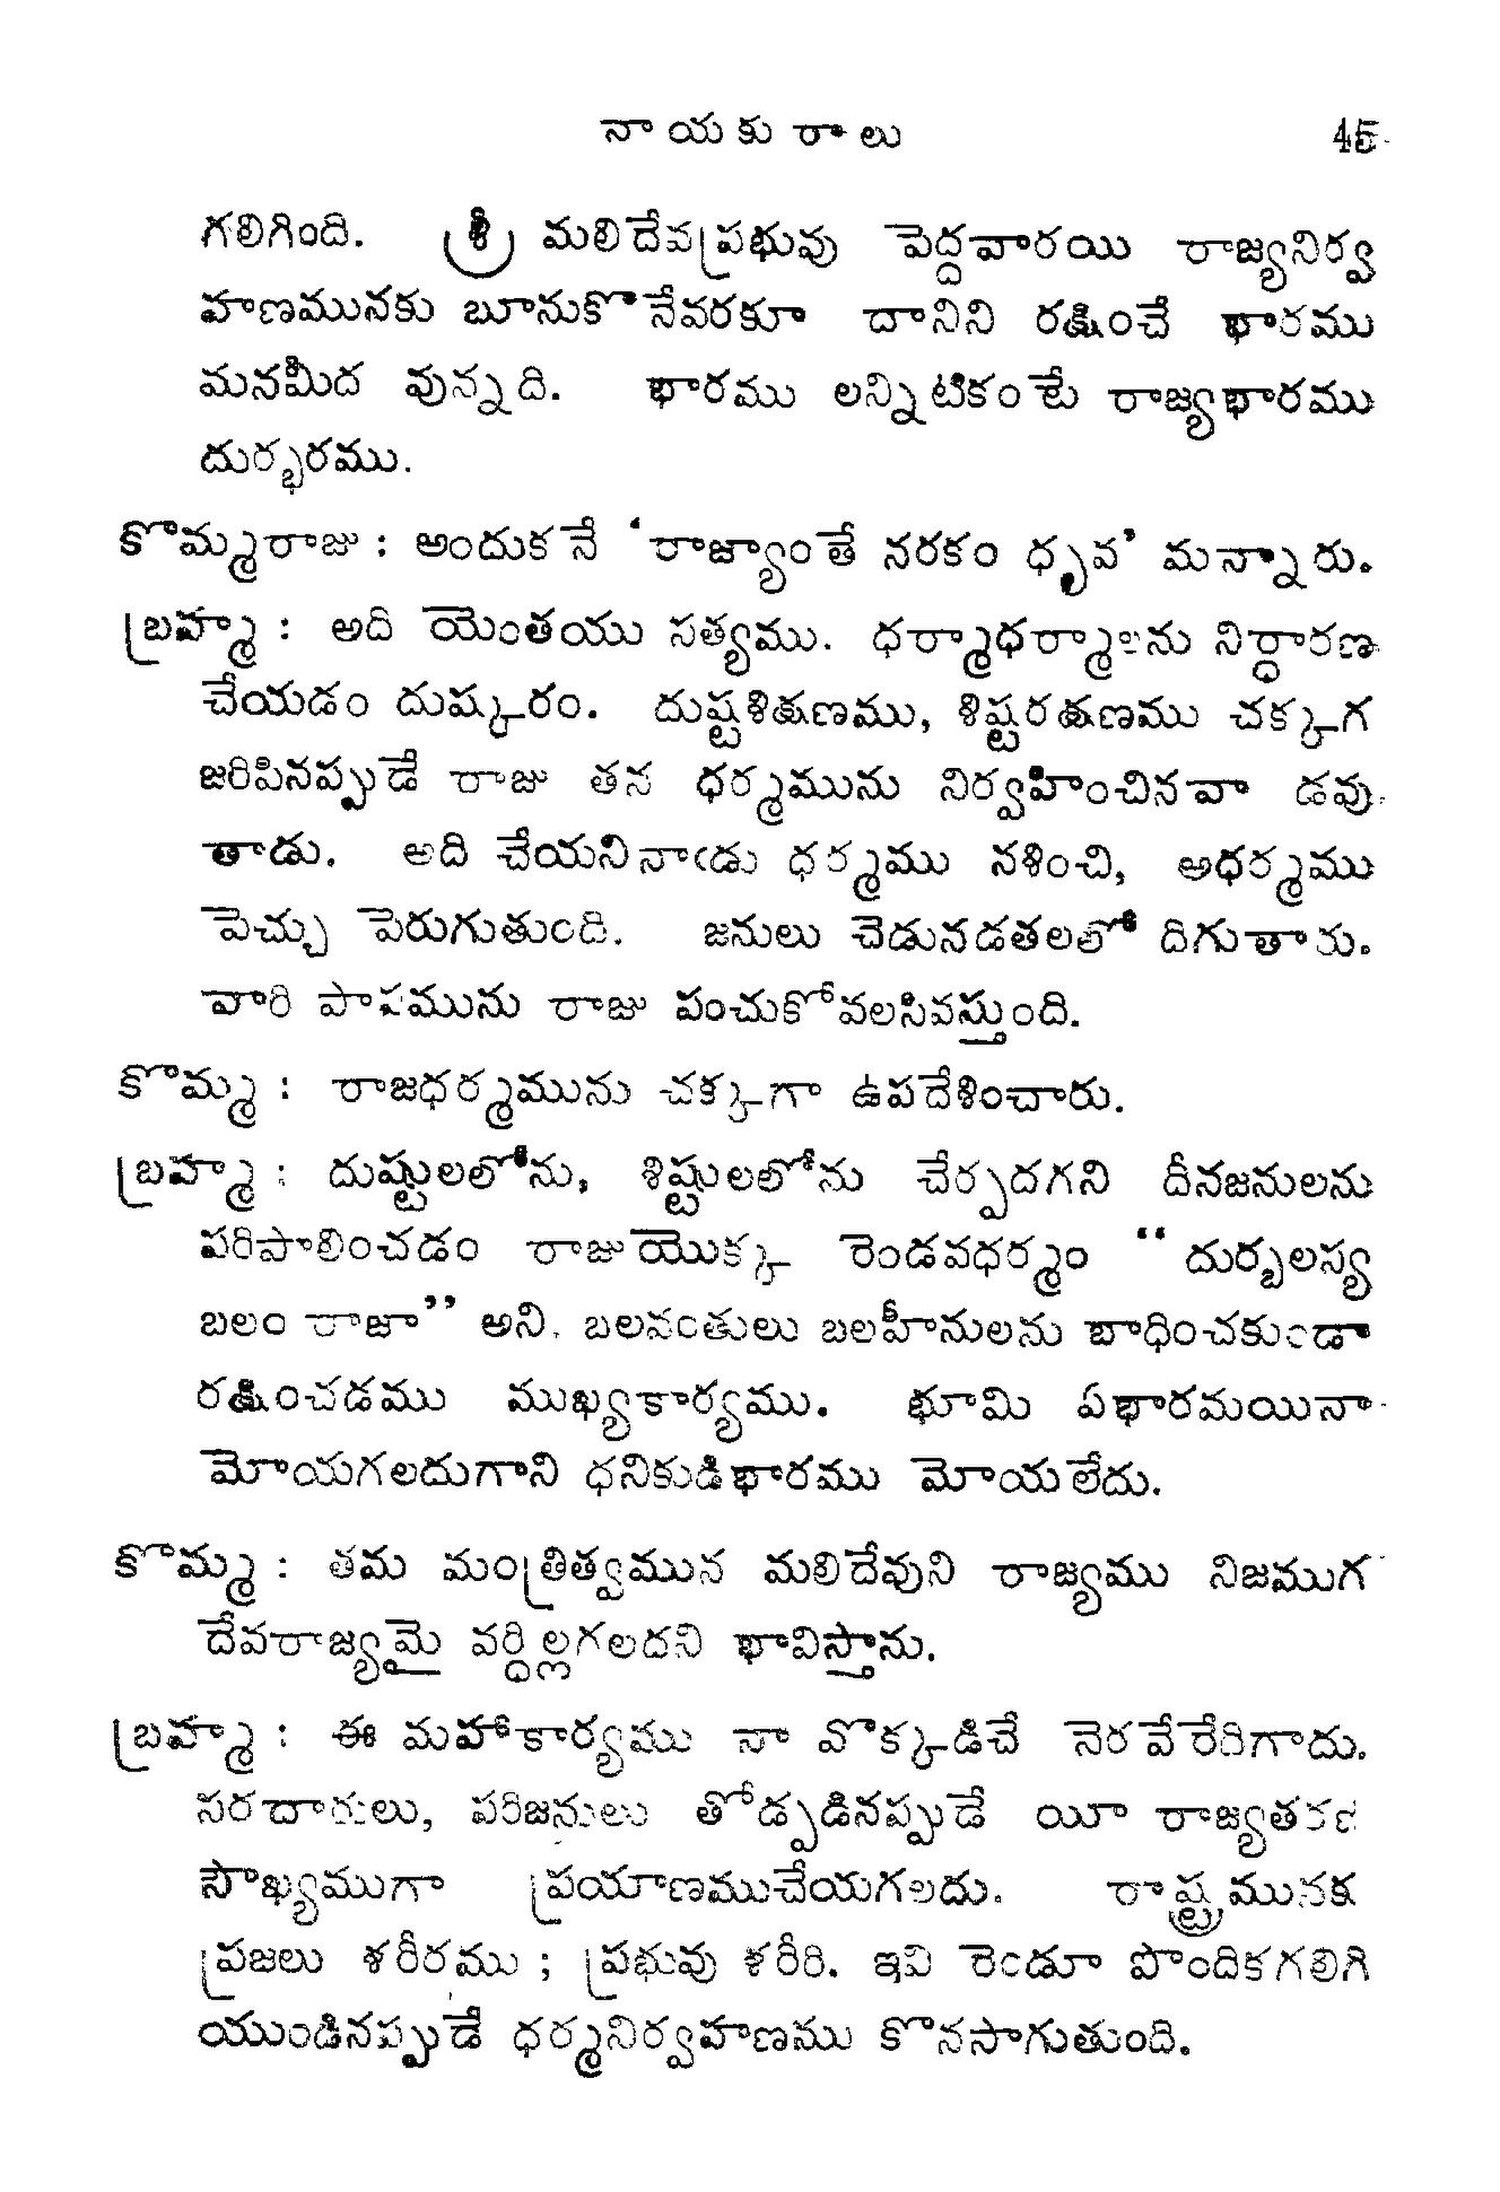గలిగింది. శ్రీ మలిదేవప్రభువు పెద్దవారయి రాజ్యనిర్వహణమునకు బూనుకొనేవరకూ దానిని రక్షించే భారము మనమీద వున్నది. భారము లన్నిటికంటే రాజ్యభారము దుర్భరము.

కొమ్మరాజు : అందుక నే 'రాజ్యాంతే నరకం ధృవ' మన్నారు.

బ్రహ్మ : అది యెంతయు సత్యము. ధర్మాధర్మాఃను నిర్ధారణ చేయడం దుష్కరం. దుష్టశిక్షణము, శిష్టరక్షణము చక్కగ జరిపినప్పుడే రాజు తన ధర్మమును నిర్వహించినవా డవుతాడు. అది చేయనినాఁడు ధర్మము నశించి, అధర్మము పెచ్చు పెరుగుతుంది. జనులు చెడునడతలలో దిగుతారు.
వారి పాపమును రాజు పంచుకోవలసివస్తుంది.

కొమ్మ: రాజధర్మమును చక్కగా ఉపదేశించారు.

బ్రహ్మ : దుష్టులలోను, శిష్టులలోను చేర్పదగని దీనజనులను పరిపాలించడం రాజుయొక్క రెండవధర్మం "దుర్బలస్య బలం రాజా” అని బలవంతులు బలహీనులను బాధించకుండా
రక్షించడము ముఖ్యకార్యము. భూమి ఏభారమయినా మోయగలదుగాని ధనికుడిభారము మోయలేదు.

కొమ్మ : తమ మంత్రిత్వమున మలిదేవుని రాజ్యము నిజముగ దేవరాజ్యమై వర్ధిల్లగలదని భావిస్తాను.

బ్రహ్మ: ఈ మహాకార్యము నా వొక్కడిచే నెరవేరేదిగాదు. సరదారులు, పరిజనులు తోడ్పడినప్పుడే యీ రాజ్యతరణి సౌఖ్యముగా ప్రయాణముచేయగలదు. రాష్ట్రమునకు ప్రజలు శరీరము ; ప్రభువు శరీరి. ఇవి రెండూ పొందిక గలిగి యుండినప్పుడే ధర్మనిర్వహణము కొనసాగుతుంది.